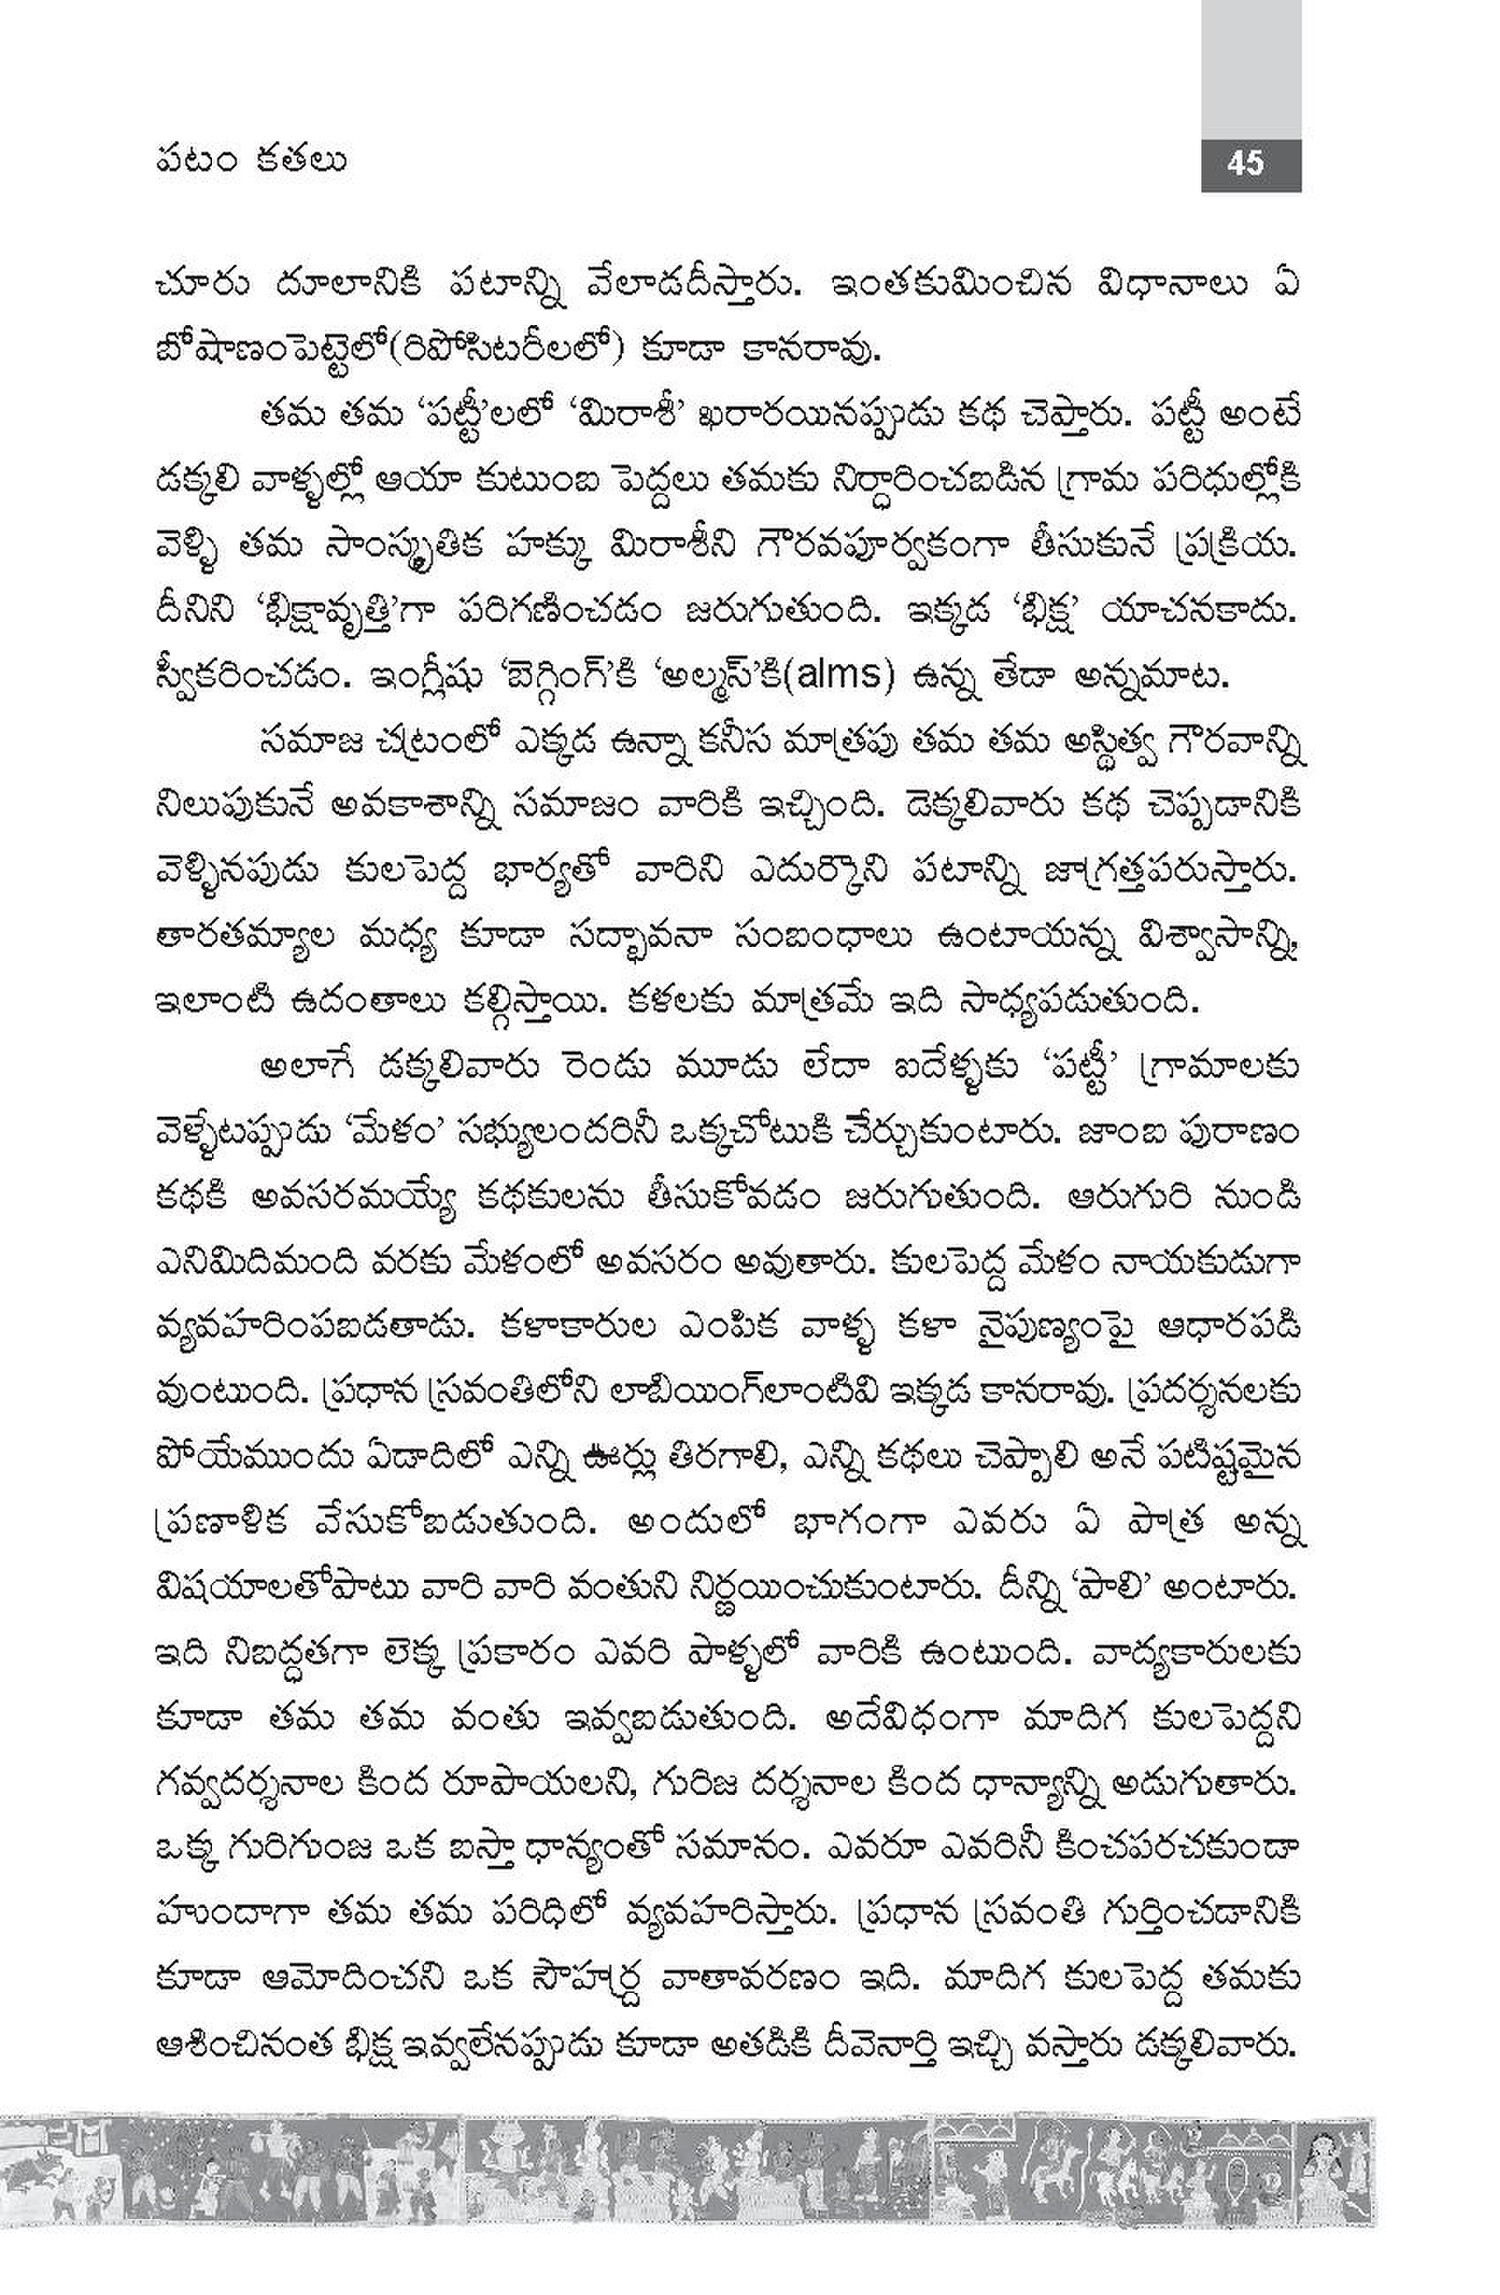చూరు దూలానికి పటాన్ని వేలాడదీస్తారు. ఇంతకుమించిన విధానాలు ఏ బోషాణం పెట్టెలో(రిపోసిటరీలలో) కూడా కానరావు.

తమ తమ 'పట్టీ'లలో 'మిరాశీ' ఖరారయినప్పుడు కథ చెప్తారు. పట్టీ అంటే డక్కలి వాళ్ళల్లో ఆయా కుటుంబ పెద్దలు తమకు నిర్ధారించబడిన గ్రామ పరిధుల్లోకి వెళ్ళి తమ సాంస్కృతిక హక్కు మిరాశీని గౌరవపూర్వకంగా తీసుకునే ప్రక్రియ.
దీనిని 'భిక్షావృత్తి'గా పరిగణించడం జరుగుతుంది. ఇక్కడ 'భిక్ష' యాచనకాదు. స్వీకరించడం. ఇంగ్లీషు 'బెగ్గింగ్ 'కి 'అల్మస్'(alms) ఉన్న తేడా అన్నమాట.

సమాజ చట్రంలో ఎక్కడ ఉన్నా కనీస మాత్రపు తమ తమ అస్థిత్వ గౌరవాన్ని నిలుపుకునే అవకాశాన్ని సమాజం వారికి ఇచ్చింది. డెక్కలివారు కథ చెప్పడానికి వెళ్ళినపుడు కులపెద్ద భార్యతో వారిని ఎదుర్కొని పటాన్ని జాగ్రత్తపరుస్తారు.
తారతమ్యాల మధ్య కూడా సద్భావనా సంబంధాలు ఉంటాయన్న విశ్వాసాన్ని, ఇలాంటి ఉదంతాలు కల్గిస్తాయి. కళలకు మాత్రమే ఇది సాధ్యపడుతుంది.

అలాగే డక్కలివారు రెండు మూడు లేదా ఐదేళ్ళకు 'పట్టీ' గ్రామాలకు వెళ్ళేటప్పుడు 'మేళం' సభ్యులందరినీ ఒక్కచోటుకి చేర్చుకుంటారు. జాంబ పురాణం కథకి అవసరమయ్యే కథకులను తీసుకోవడం జరుగుతుంది. ఆరుగురి నుండి
ఎనిమిదిమంది వరకు మేళంలో అవసరం అవుతారు. కులపెద్ద మేళం నాయకుడుగా వ్యవహరింపబడతాడు. కళాకారుల ఎంపిక వాళ్ళ కళా నైపుణ్యంపై ఆధారపడి వుంటుంది. ప్రధాన స్రవంతిలోని లాబియింగ్ లాంటివి ఇక్కడ కానరావు. ప్రదర్శనలకు పోయేముందు ఏడాదిలో ఎన్ని ఊర్లు తిరగాలి, ఎన్ని కథలు చెప్పాలి అనే పటిష్టమైన ప్రణాళిక వేసుకోబడుతుంది. అందులో భాగంగా ఎవరు ఏ పాత్ర అన్న విషయాలతోపాటు వారి వారి వంతుని నిర్ణయించుకుంటారు. దీన్ని 'పాలి' అంటారు. ఇది నిబద్ధతగా లెక్క ప్రకారం ఎవరి పాళ్ళలో వారికి ఉంటుంది. వాద్యకారులకు కూడా తమ తమ వంతు ఇవ్వబడుతుంది. అదేవిధంగా మాదిగ కులపెద్దని గవ్వదర్శనాల కింద రూపాయలని, గురిజ దర్శనాల కింద ధాన్యాన్ని అడుగుతారు. ఒక్క గురిగుంజ ఒక బస్తా ధాన్యంతో సమానం. ఎవరూ ఎవరినీ కించపరచకుండా
హుందాగా తమ తమ పరిధిలో వ్యవహరిస్తారు. ప్రధాన స్రవంతి గుర్తించడానికి కూడా ఆమోదించని ఒక సౌహర్ష వాతావరణం ఇది. మాదిగ కులపెద్ద తమకు ఆశించినంత భిక్ష ఇవ్వలేనప్పుడు కూడా అతడికి దీవెనార్తి ఇచ్చి వస్తారు డక్కలివారు.